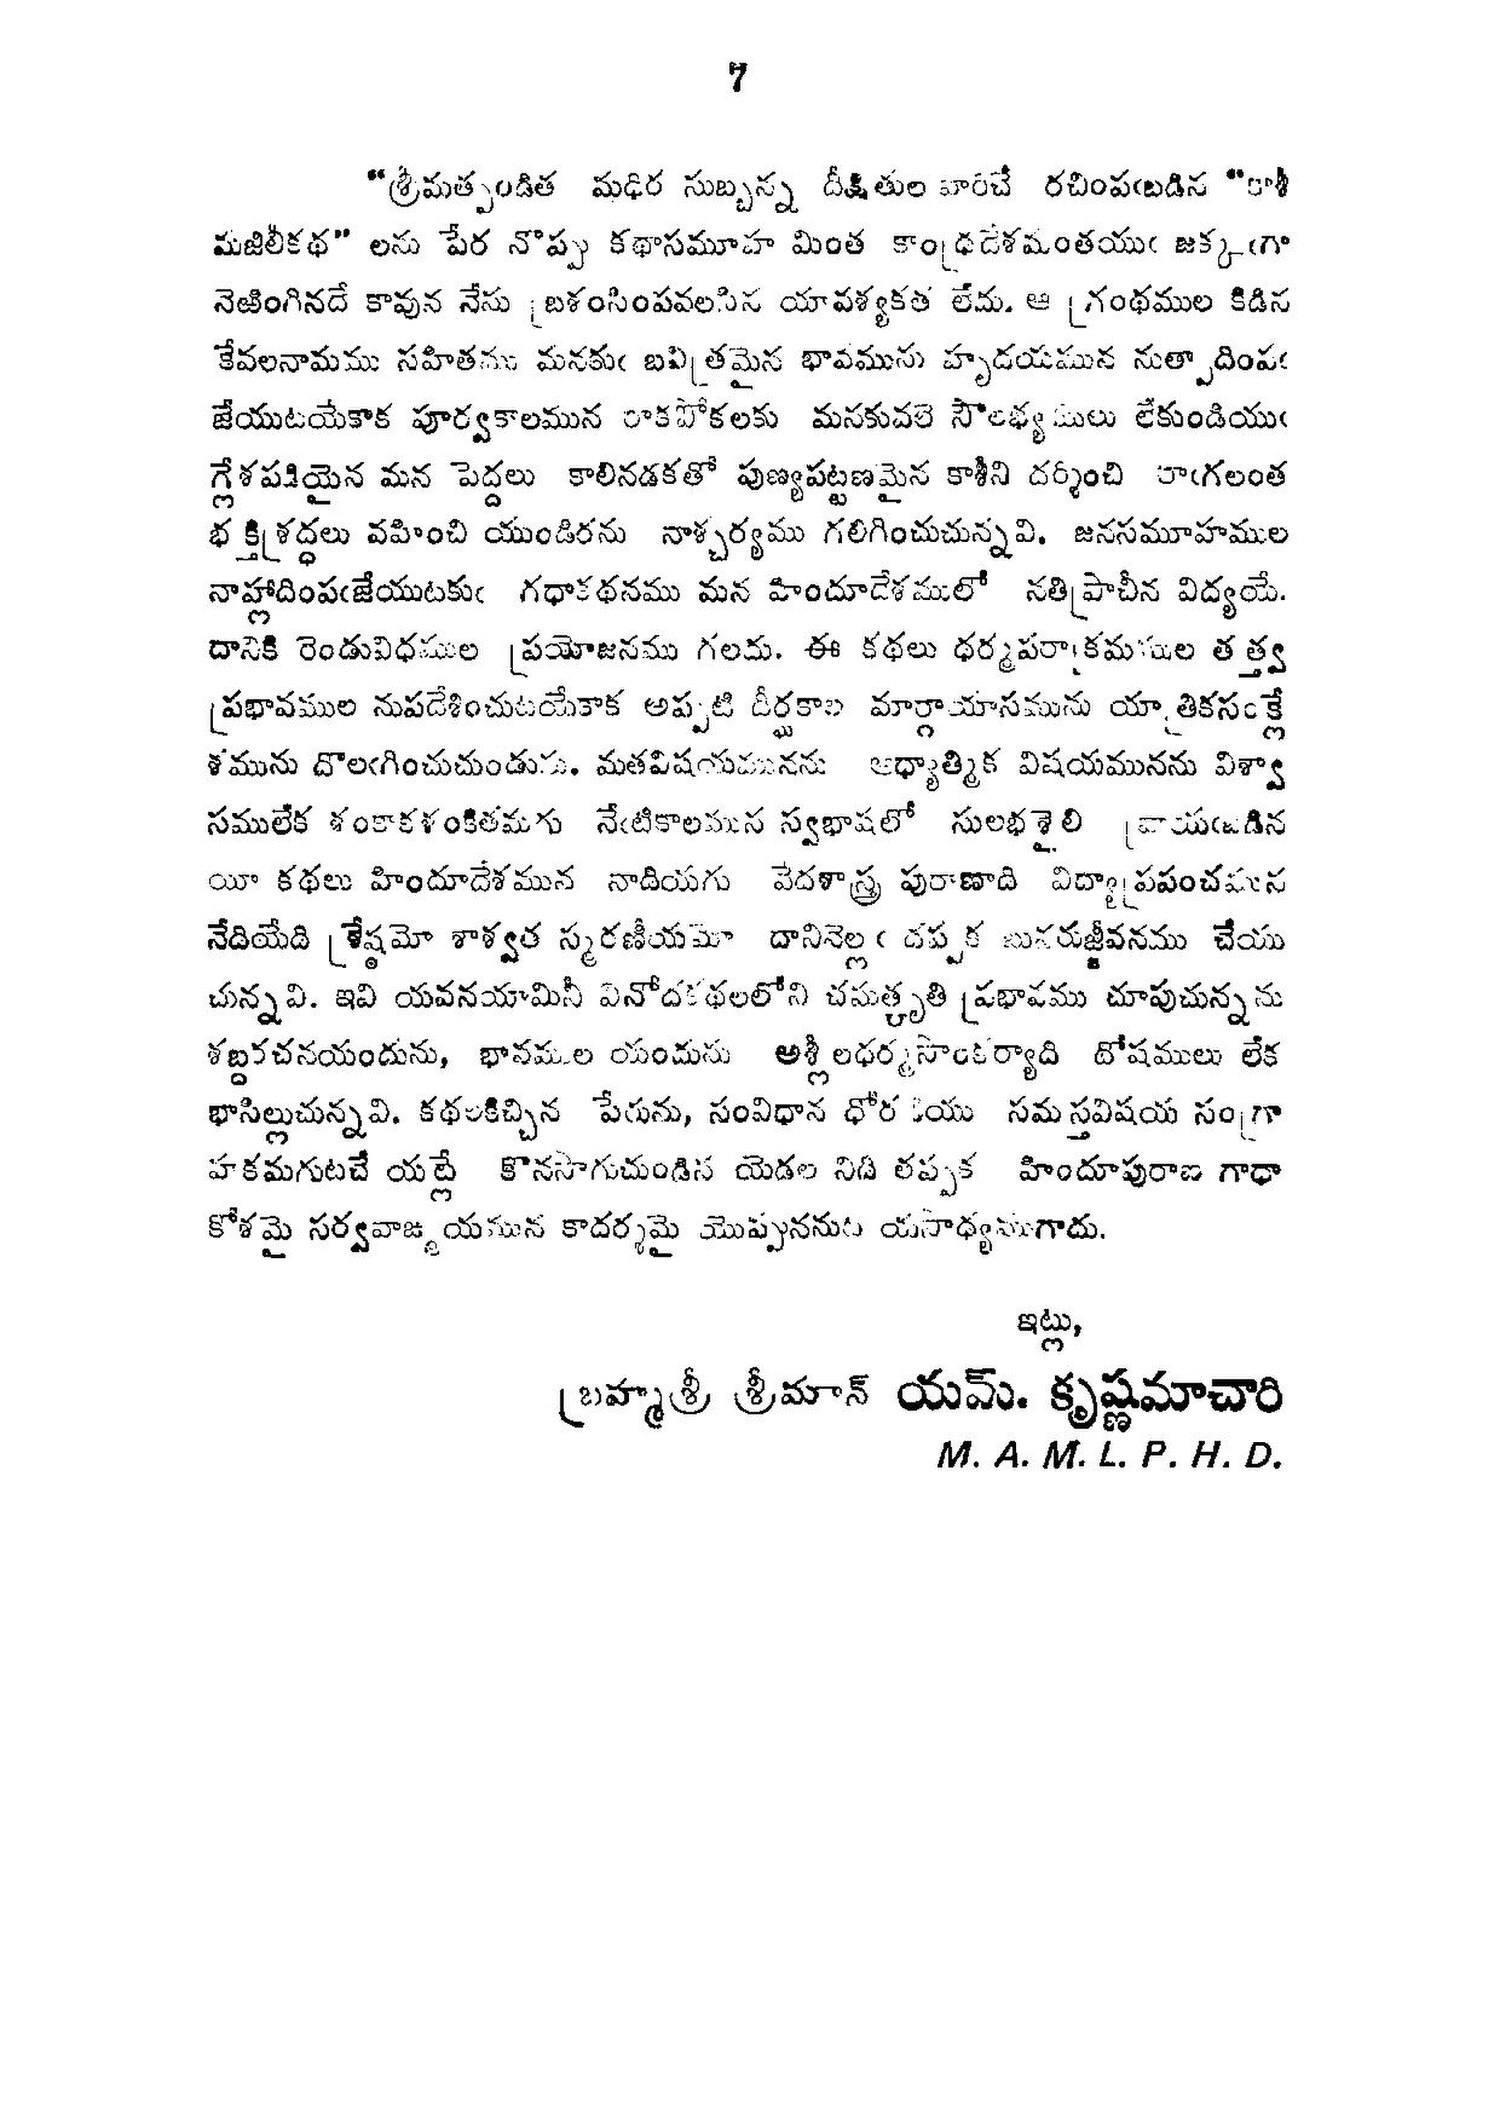“శ్రీమత్పండిత మధిర సుబ్బన్న దీక్షితుల వారిచే రచింపఁబడిన "కాశీమజిలీకథ" లను పేర నొప్పు కథాసమూహ మింత కాంధ్రదేశమంతయుఁ జక్కఁగా నెఱింగినదే కావున నేను బ్రశంసింపవలసిన యావశ్యకత లేదు. ఆ గ్రంథముల కిడిన కేవలనామము సహితము మనకుఁ బవిత్రమైన భావమును హృదయమున నుత్పాదింపఁ జేయుటయేకాక పూర్వకాలమున రాకపోకలకు మసకువలె సౌలభ్యములు లేకుండియుఁ గ్లేశపడియైన మన పెద్దలు కాలినడకతో పుణ్యపట్టణమైన కాశీని దర్శించి రాఁగలంత భక్తిశ్రద్దలు వహించి యుండిరను నాశ్చర్యము గలిగించుచున్నవి. జనసమూహముల నాహ్లాదింపఁజేయుటకుఁ గధాకథనము మన హిందూదేశములో నతిప్రాచీన విద్యయే. దానికి రెండువిధముల ప్రయోజనము గలదు. ఈ కథలు ధర్మపరాక్రమముల తత్త్వ ప్రభావముల నుపదేశించుటయేకాక అప్పటి దీర్ఘకాల మార్గాయాసమును యాత్రికసంక్లేశమును దొలఁగించుచుండును. మతవిషయమునను ఆధ్యాత్మిక విషయమునను విశ్వాసములేక శంకాకళంకితమగు నేఁటికాలమున స్వభాషలో సులభశైలి వ్రాయఁబడిన యీ కథలు హిందూదేశమున నాదియగు వేదశాస్త్ర పురాణాది విద్యాప్రపంచమున నేదియేది శ్రేష్ఠమో శాశ్వత స్మరణీయమో దానినెల్లఁ దప్పక బునరుజ్జీవనము చేయుచున్నవి. ఇవి యవనయామినీ వినోదకథలలోని చమత్కృతి ప్రభావము చూపుచున్నను శబ్దరచనయందును, భావముల యందును అశ్లీలధర్మసాంకర్యాది దోషములు లేక భాసిల్లుచున్నవి. కథలకిచ్చిన పేరును, సంవిధాన ధోరణియు సమస్తవిషయ సంగ్రాహకమగుటచే యట్లే కొనసాగుచుండిన యెడల నిది తప్పక హిందూపురాణ గాథా కోశమై సర్వవాఙ్మయమున కాదర్శమై యొప్పుననుట యసాధ్యముగాదు.